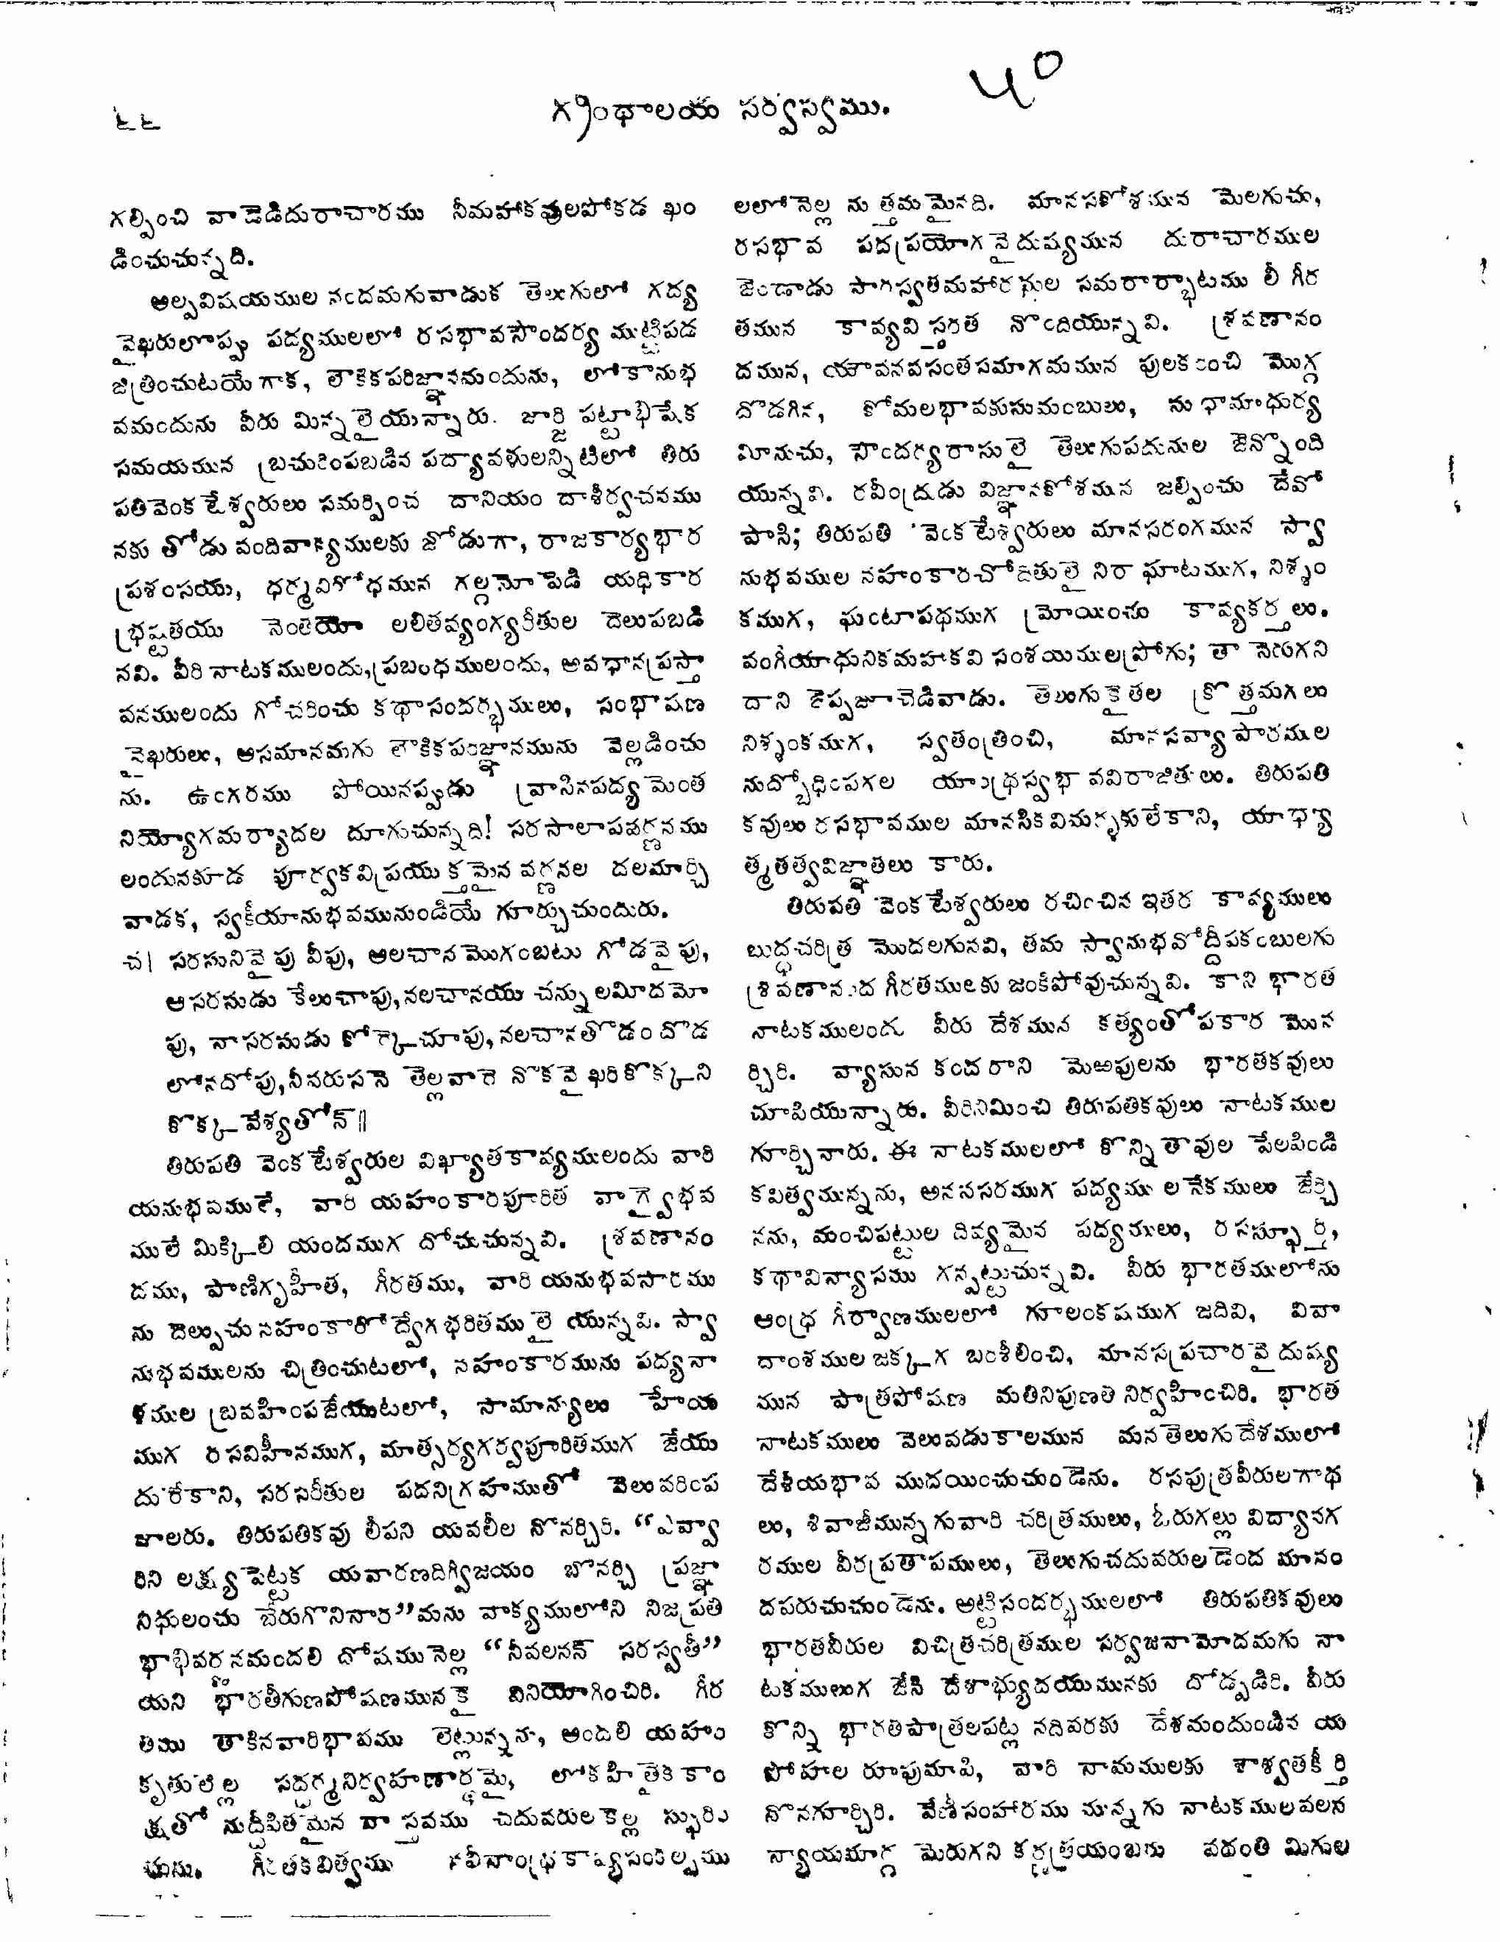గల్పించి వాడెడిదురాచారము నీమహాకవులపోకడ ఖండించుచున్నది.

అల్పవిషయముల నఁదమగువాడుక తెలుగులో గద్యవైఖరులొప్పు పద్యములలో రసభావసౌందర్య ముట్టిపడ జిత్రించుటయే గాక, లౌకిక పరిజ్ఞానమందును, లోకానుభవమందును వీరు మిన్నలైయున్నారు. జార్జి పట్టాభిషేకసమయమున బ్రచురింపబడిన పద్యావళులన్నిటిలో తిరుపతి వెంకటేశ్వరులు సమర్పించ దానియం దాశీర్వచనమునకు తోడు వందివాక్యములకు జోడుగా, రాజకార్యభారప్రశంసయు, ధర్మవిరోధమున గల్గమోపెడి యధికార భ్రష్టతయు నెంతయో లలితవ్యంగ్యరీతుల దెలుపబడినవి. వీరి నాటకములందు, ప్రబంధము లందు, అవధానప్రస్తావనములందు గోచరించు కథాసందర్భములు, సంభాషణ వైఖరులు, అసమానమగు లౌకిక పరిజ్ఞానమును వెల్లడించును. ఉంగరము పోయినప్పుడు వ్రాసినపద్యమెంత నియ్యోగమర్యాదల దూగుచున్నది! సరసాలాపవర్ణనము లందునకూడ పూర్వకవిప్రయుక్తమైన వర్ణనల దలమార్చి వాడక, స్వకీయానుభవమునుండియే గూర్చుచుందురు.

చ| సరసునివైపు వీపు, ఆలచానమొగంబటు గోడవైపు,
 ఆసరసుడు కేలుచాపు, నలచానయు చన్నులమీదమో
 పు, నాసరసుడు కోర్కెచూపు, నలచానతొడం దొడ
 లోనదోపు, నీ వరుసనె తెల్లవారె నొకవైఖరికొక్కని
 కొక్క వేశ్యతోన్ | 

తిరుపతి వెంకటేశ్వరులు విఖ్యాత కావ్యములందు వారి యనుభవములే, వారి యహంకారపూరిత వాగ్వైభవములే మిక్కిలి యందముగ దోచుచున్నవి. శ్రవణానందము, పాణిగృహీత, గీరతము, వారి యనుభవసారమును దెల్పుచు సహంకారోద్వేగభరితములై యున్నవి. స్వానుభవములను చిత్రించుటలో, సహంకారమును పద్యనాళముల బ్రవహింపజేయుటలో, సామాన్యులు హేయముగ రసవిహీనముగ, మాత్సర్యగర్వపూరితముగ జేయుదురో కాని, సరసరీతులు పదనిగ్రహముతో వెలువరింప జాలరు. తిరుపతికవు లీపని యవలీల నొనర్చిరి. "ఎవ్వారిని లక్ష్యపెట్టక యవారణదిగ్విజయం బొనర్చి ప్రజ్ఞానిధులంచు బేరుగొనినార" మను వాక్యములోని నిజప్రతి
భాభివరనమందలి దోషమునెల్ల “నీవలనన్ సరస్వతీ” యని భారతీగుణ పోషణమునకై వినియోగించిరి. గీరతము తాకినవారిభావము లెట్లున్నను, అందలి యహంకృతుల్లిల్ల సద్ధర్మనిర్వహణార్థమై, లోకహితైకకాంక్షతో నుద్దీపితమైన వాస్తవము చదువరులకెల్ల స్ఫురించును. గీరత కవిత్వము నవీనాంధ్ర కావ్యసంకల్పములలోనెల్ల నుత్తమమైనది. మానసకోశమున మెలగుచు, రసభావ పదప్రయోగ వైదుష్యమున దురాచారముల జెండాడు సాగిస్వతిమహారథుల సమరార్భాటము లీ గీరతమున కావ్యవిస్తరత 
నొందియున్నవి. శ్రవణానందమున, యౌవనవసంతసమాగమమున పులకరించి మొగ్గదొడగిన, కోమలభావకుసుమంబులు, నుధామాధుర్యమినుచు, సౌందర్యరాసులై తెలుగుపదునుల జెన్నొంది యున్నవి. రవీంద్రుడు విజ్ఞానకోశమన జల్పించు దేవోపాసి; తిరుపతి వెఁకటేశ్వరులు మానసరంగమున స్వానుభవముల సహంకారచోదితులై నిరాఘాటముగ, నిశ్శంకముగ, ఘంటాపధముగ మ్రోయించు కావ్యకర్తలు. వంగీయాధునిక మహాకవి సంశయిములప్రోగు; తా నెరుగనిదాని జెప్పజూచెడివాడు. తెలుగుకైతల క్రొత్తమగలు 
నిశ్శంకముగ, స్వతంత్రించి, మానస వ్యాపారముల నుద్బోధింపగల యాుధ్రస్వభావవిరాజితులు. తిరుపతి కవులు రసభావముల మానసిక విమర్శకులేకాని, యాధ్యాత్మతత్వవిజ్ఞాతలు కారు. 

తిరుపతి వెంకటేశ్వరులు రచించిన ఇతర కావ్యములు బుద్ధచరిత్ర మొదలగునవి, తమ స్వానుభవోద్దీపకంబులగు శ్రవణానంద గీరతములకు జంకిపోవుచున్నవి. కాని భారత నాటకములందు వీరు దేశమున కత్యంతోపకార మొనర్చిరి. వ్యాసున కందరాని మెఱపులను భారతకవులు చూపియున్నారు. వీరినిమించి తిరుపతికవులు నాటకముల గూర్చినారు. ఈ నాటకములలో కొన్ని తావుల పేలపిండి కవిత్వమున్నను, అనవసరముగ పద్యములనేకములు జేర్చినను, మంచిపట్టుల దివ్యమైన పద్యములు, రసస్ఫూర్తి,
కథావిన్యాసము గన్పట్టుచున్నవి. వీరు భారతములోను ఆంధ్ర గీర్వాణములలో గూలంకషముగ జదివి, వివాదాంశముల జక్కగ బంశీలించి, మానసప్రచార వైదుష్యమున పాత్రపోషణ మతినిపుణత నిర్వహించిరి. భారత నాటకములు వెలువడు కాలమున మన తెలుగు దేశములో దేశీయభావ ముదయించుచుండెను. రసపుత్ర వీరుల గాథలు, శివాజీ మున్నగువారి చరిత్రములు, ఓరుగల్లు విద్యానగరములు వీరప్రతాపములు, తెలుగుచదువరులడెంద మానంద పరుచుచుండెను. అట్టి సందర్భములలో తిరుపతికవులు భారతవీరుల విచిత్ర చరిత్రముల సర్వజనామోదమగు నాటకములుగ జేసి దేశాభ్యుదయుమునకు దోడ్పడిరి. వీరు కొన్ని భారత పాత్రలపట్ల నదివరకు దేశమందుండిన యపోహల రూపుమాపి, వారి నామములకు శాశ్వత కీర్తి నొనగూర్చిరి. వేణీసంహారము 
మున్నగు నాటకములవలన న్యాయమార్గ మెరుగని కర్ణక్రయంబరు వదంతి మిగుల